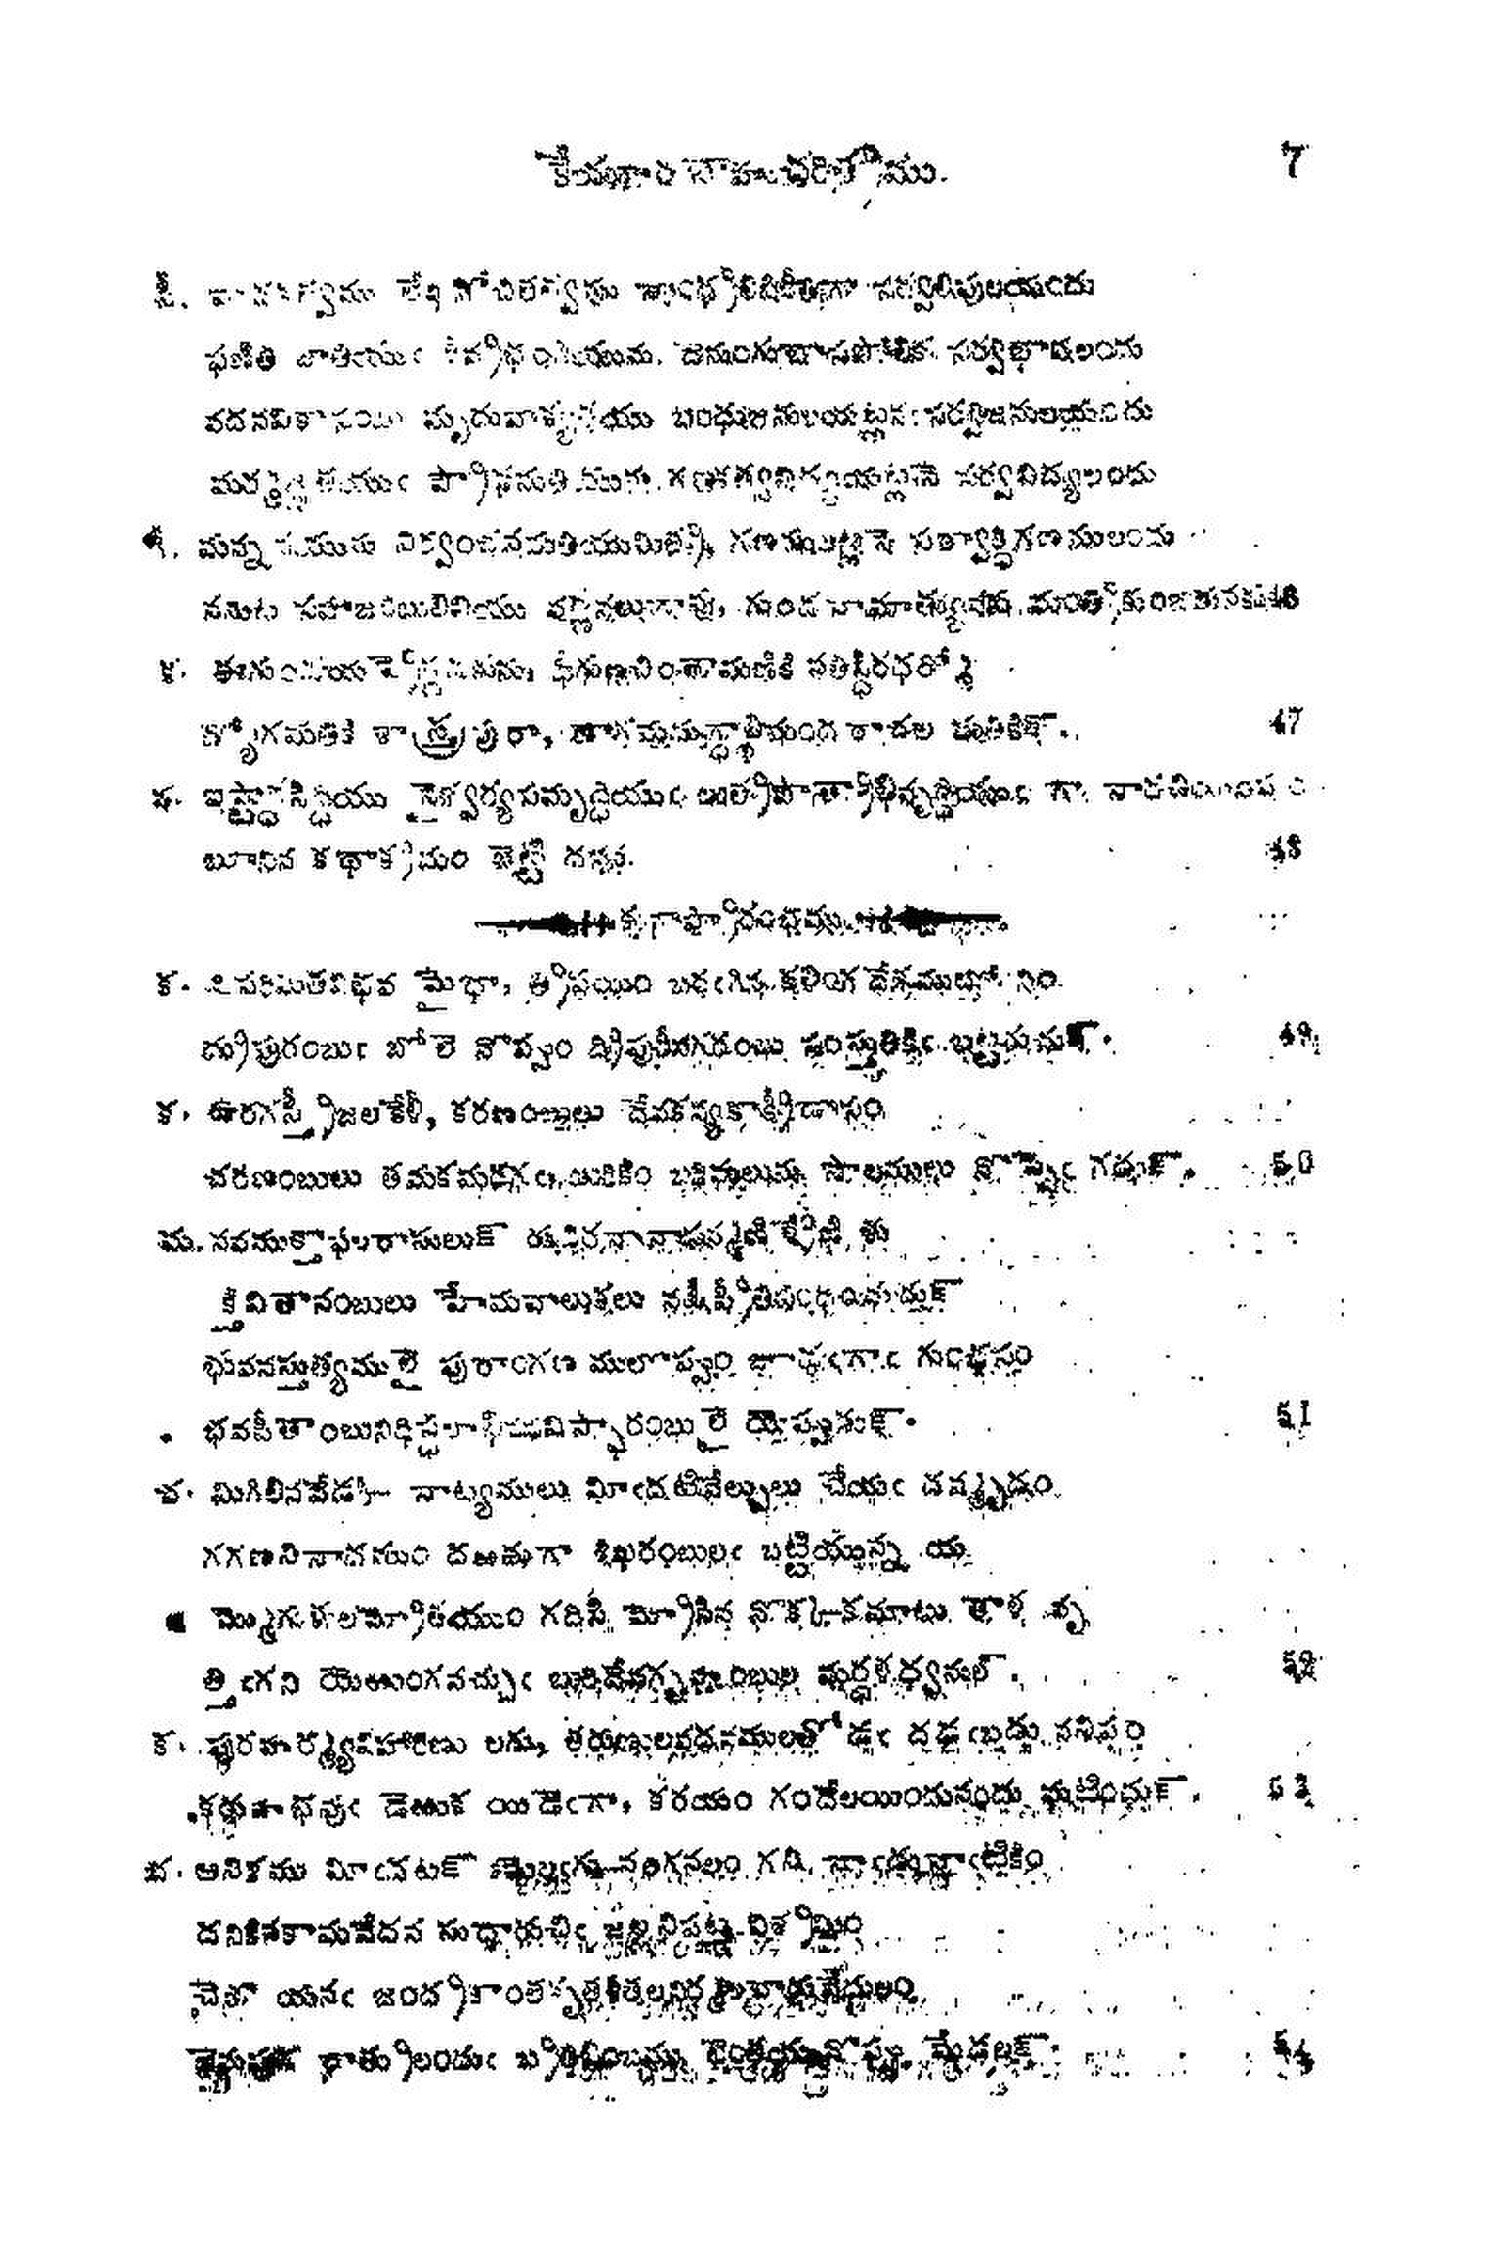సీ. వాచకత్వము లేఖనోచితత్వము నాంధ్రలిపిరీతిఁగా సర్వలిపులయందు
 ఫణితిజాతియుఁ దీవ్రభంగియును దెనుంగుబాసపోలిక సర్వభాషలందు
 వదనవికాసంబు మృదువాక్యతయు బంధుజనులయట్లన సర్వజనులయందు
 మర్మజ్ఞతయుఁ ప్రౌఢమతియును గణతత్వవిద్యయట్లనె సర్వవిద్యలందు
గీ. మన్ననమును నిర్వంచనమతియును మిత్రగణములట్లనె సర్వార్థిగణములందు
 ననుట సహజంబు లివియు వర్ణనలు గావు, గుండనామాత్యునకు మంత్రికుంజరునకు.
క. ఈగుండయప్రెగ్గడకును, ధీగుణచింతామణికి నతిస్థిరధర్మో
 ద్యోగమతికి శాస్త్రపురా, ణాగమదుగ్ధాబ్ధిమందరాచలమతికిన్.
వ. ఇష్టార్థసిద్ధియు నైశ్వర్యసమృద్ధియుఁ బుత్రపౌత్రాభివృద్ధియుఁ గా నారచియింపం
 బూనిన కథాక్రమం బెట్టి దనిన.
కథాప్రారంభము
క. అపరిమితవిభవ మై ధా, త్రిపయిం బరఁగిన కళింగదేశములో నిం
 ద్రుపురంబుఁ బోలె నొప్సుం ద్రిపురీనగరంబు, సంస్తుతికిఁ బట్టగుచున్.
క. ఉరగిస్త్రీజలకేళీ, కరణంబులు దేవకన్యకాక్రీడాసం
 చరణంబులు తమకమరగఁ, బురికిం బరిఘలును సాలములు నొప్పెఁ గడున్.
మ. నవముక్తాఫలరాసులు రుచిరనానాసన్మణిశ్రేణి శు
 క్తివితానంబులు హేమవాలుకలు నక్షిప్రీతి సంధించుచున్
 భువనస్తుత్యములై పురాంగణము లొప్పుం జూడఁగాఁ గుంభసం
 భవపీతాంబునిధిస్థలాభివనవిస్ఫారంబులై యెప్పుడున్.
చ. మిగిలినవేడ్క నాట్యములు మీదఁటివేల్పులు చేయఁ దన్మృదం
 గగణనినాదముంే దఱచుగా శిఖరంబులఁ బట్టియున్న య
 మ్మొగుళులమ్రోతయుం గదిసి మ్రోసిన నొక్కకమాటుతాళవృ
 త్తిఁ గని యెఱుంగవచ్చుఁ బురి దేవగృహంబుల మర్ధళధ్వనుల్.
క. పురహర్మ్యవిహారిణు లగు, తరుణులవదనములతోడఁ దడఁబడు ననిపం
 కరుహభవుఁ డెఱుక యిడెఁగా, కరయం గందేల యిందునందు ఘటించున్.
చ. అనిశము మీఁదటన్ మెలఁగు నంగనలం గని నాఁడునాఁటికిం
 దనికినకామవేదన సుధారుచిఁ జల్లనిపట్ల విశ్రమిం
 చెనొ యనఁ జంద్రకాంతకృతశీతలనిర్మలచారువేదులం
 బెనుపుగ రాత్రులందుఁ బ్రతిబింబము లెంతయు నొప్పు మేడలన్.